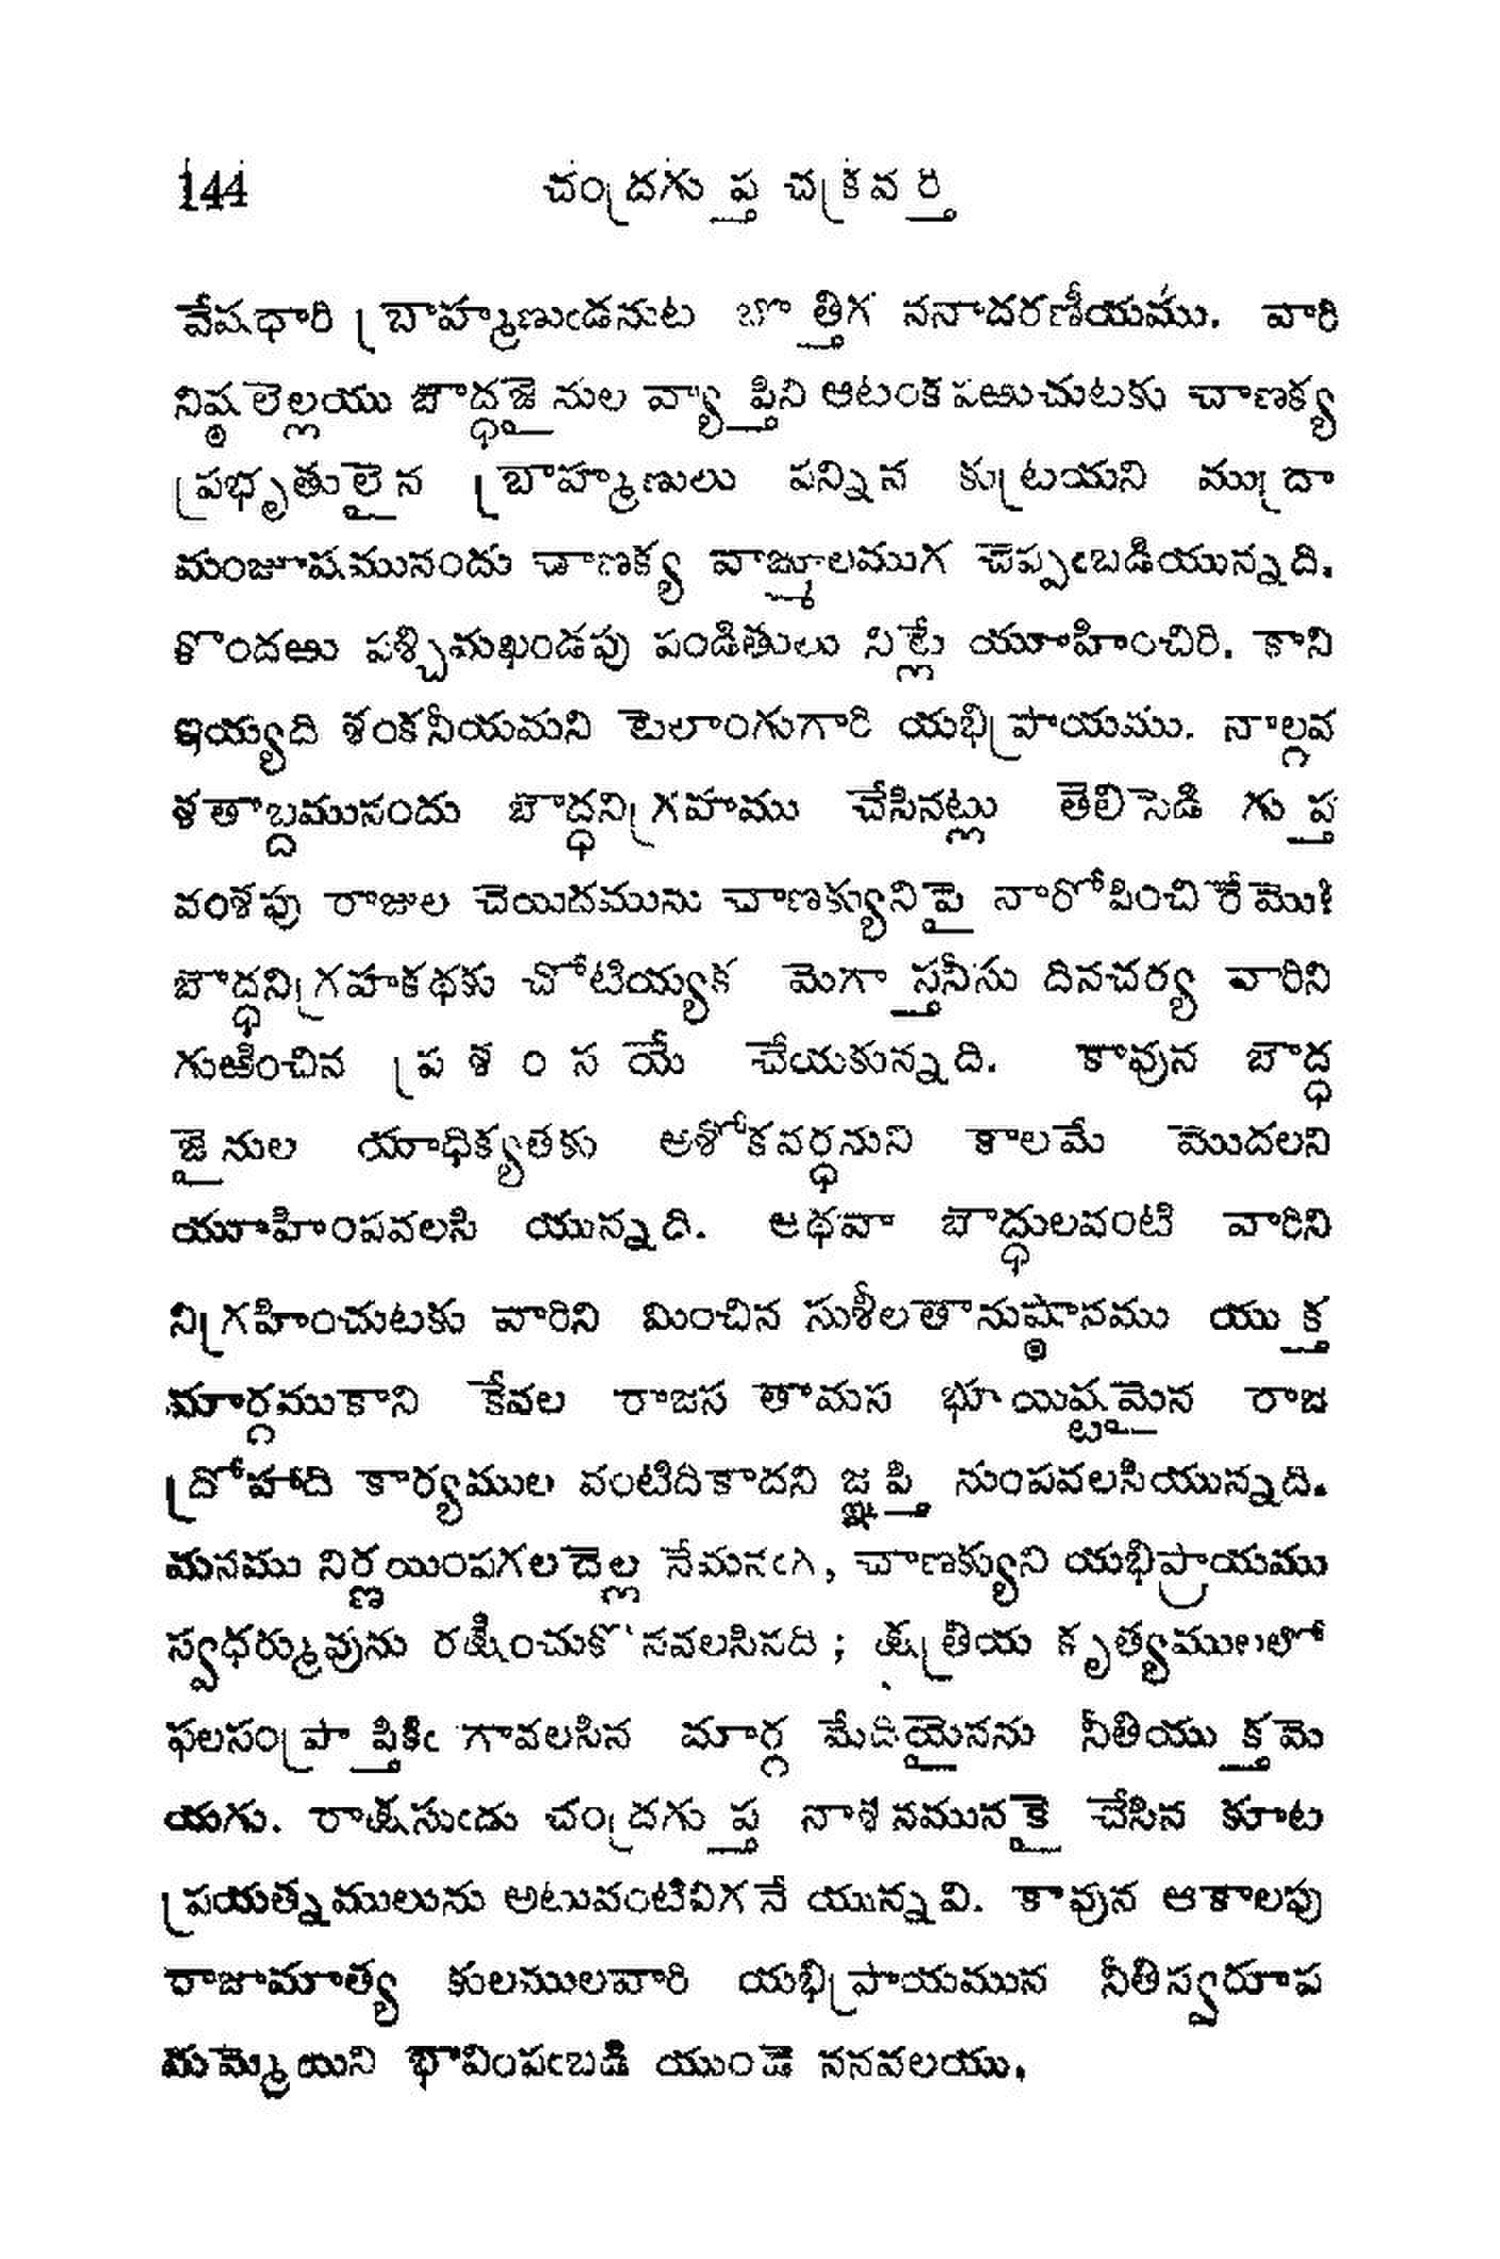వేషధారి బ్రాహ్మణుఁడనుట బొత్తిగ ననాదరణీయము. వారి నిష్ఠ లెల్లయు బౌద్దజైనుల వ్యాప్తిని ఆటంకపఱుచుటకు చాణక్య ప్రభృతులైన బ్రాహ్మణులు పన్నిన కుట్రయని ముద్రా మంజూషమునందు చాణక్య వాఙ్మూలముగ చెప్పఁబడియున్నది. కొందఱు పశ్చిమఖండపు పండితులు నిట్లే యూహించిరి. కాని ఇయ్యది శంకనీయమని టెలాంగుగారి యభిప్రాయము. నాల్గవ శతాబ్దమునందు బౌద్ధనిగ్రహము చేసినట్లు తెలిసెడి గుప్త వంశపు రాజుల చెయిదమును చాణక్యునిపై నారోపించిరేమొ? బౌద్దనిగ్రహకథకు చోటియ్యక మెగా స్తనీసు దినచర్య వారిని గుఱించిన ప్రశంసయే చేయకున్నది. కావున బౌద్ధ జైనుల యాధిక్యతకు అశోకవర్ధనుని కాలమే మొదలని యూహింపవలసి యున్నది. అథవా బౌద్ధులవంటి వారిని నిగ్రహించుటకు వారిని మించిన సుశీలతానుష్ఠానము యుక్త మార్గముకాని కేవల రాజస తామస భూయిష్టమైన రాజ ద్రోహాది కార్యముల వంటిదికాదని జ్ఞప్తి నుంపవలసియున్నది. మనము నిర్ణయింపగలదెల్ల నేమనఁగ, చాణక్యుని యభిప్రాయము స్వధర్మువును రక్షించుకొనవలసినది ; క్షత్రియ కృత్యములలో ఫలసంప్రాప్తికిఁ గావలసిన మార్గ మేదియైనను నీతియుక్తమె యగు. రాక్షసుఁడు చంద్రగుప్త నాశనమునకై చేసిన కూట ప్రయత్నములును అటువంటివిగనే యున్నవి. కావున ఆకాలపు రాజమాత్య కులములవారి యభిప్రాయమున నీతిస్వరూప మమ్మెయిని భావింపఁబడి యుండె ననవలయు.
.